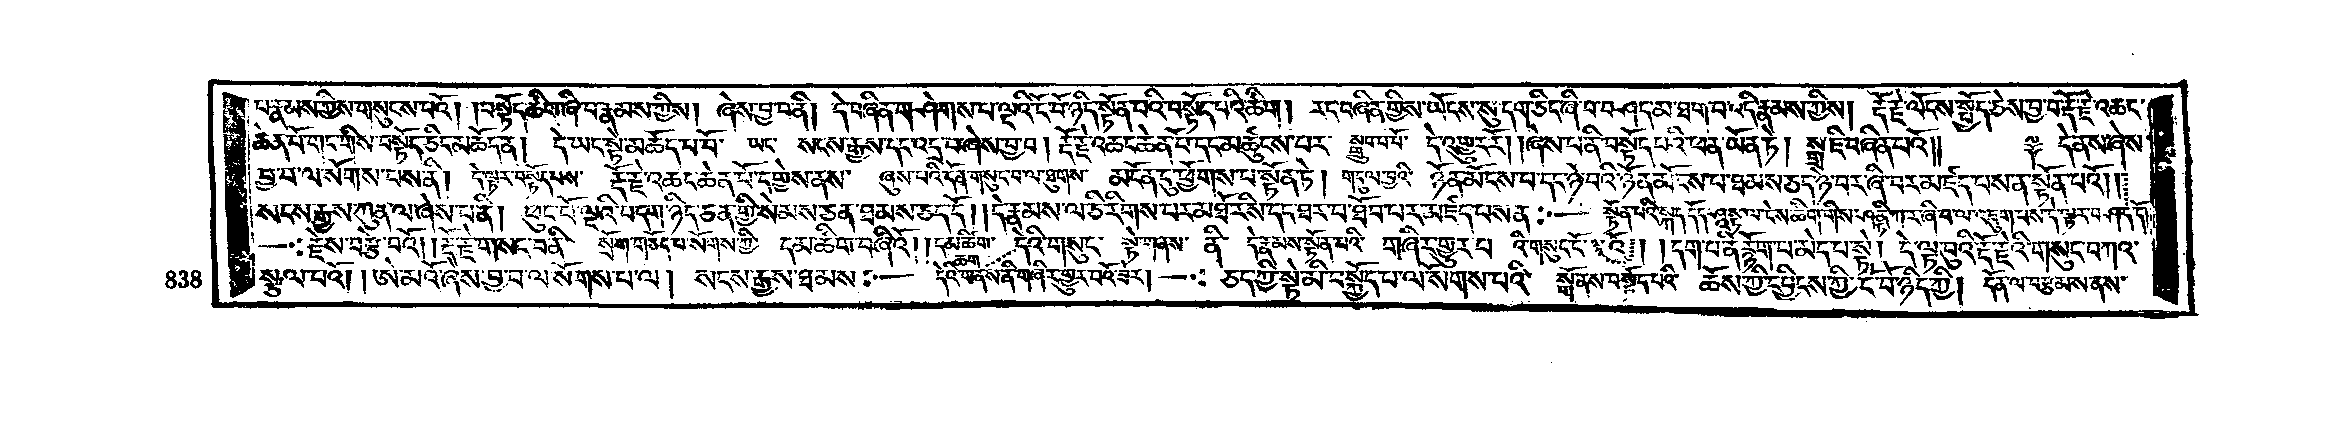པ་རྣམས་ཀྱིས་གསུངས་པའོ། །བསྟོད་ཚིག་ཞི་བ་རྣམས་ཀྱིས། ཞེས་བྱ་བ་ནི། དེ་བཞིན་གཤེགས་པ་ལྔའི་ངོ་བོ་ཉིད་སྟོན་པའི་བསྟོད་པའི་ཚིག། རང་བཞིན་གྱིས་ཡོངས་སུ་དག་ཅིང་ཞི་བ་བཤད་མ་ཐག་པ་འདི་རྣམས་ཀྱིས། རྡོ་རྗེ་ལོངས་སྤྱོད་ཅེས་བྱ་བ་རྡོ་རྗེ་འཆང་
ཆེན་པོ་གང་གིས་བསྟོད་ཅིང་མཆོད་ན། དེ་ཡང་སྟེ་མཆོད་པ་པོ་ཡང་སངས་རྒྱས་དང་འདྲ་བ་ཞེས་བྱ་བ། རྡོ་རྗེ་འཆང་ཆེན་པོ་དང་མཚུངས་པར་སྒྲུབ་པ་པོ་དེ་འགྱུར་རོ། །ཞེས་པ་ནི་བསྟོད་པའི་ཕན་ཡོན་ཏེ། སྒྲ་ཇི་བཞིན་པའོ།། ༈ དེ་ནས་ཞེས་
བྱ་བ་ལ་སོགས་པས་ནི། དེ་ལྟར་བསྟོད་པས་རྡོ་རྗེ་འཆང་ཆེན་པོ་དགྱེས་ནས་ཞུས་པའི་དོན་གསུང་བ་ལ་ཐུགས་མངོན་དུ་ཕྱོགས་པ་སྟོན་ཏེ། གདུལ་བྱའི་ཉོན་མོངས་པ་དང་ཉེ་བའི་ཉོན་མོངས་པ་ཐམས་ཅད་ཉེ་བར་ཞི་བར་མཛད་པས་ན་སྟོན་པའོ།།
སངས་རྒྱས་ཀུན་ལ་ཞེས་པ་ནི། ཕུང་པོ་ལྔའི་བདག་ཉིད་ཅན་གྱི་སེམས་ཅན་ཐམས་ཅད་དོ། །དེ་རྣམས་ལ་ཅི་རིགས་པར་མཐོ་རིས་དང་ཐར་པ་ཐོབ་པར་མཛད་པས་ན་H.་སྟོན་པའི་སྐད་དོད་ཤཱ་སྟ་ལ་ངེས་ཚིག་གིས་ཤནྟི་ཀ་ར་ཞི་བ་ལ་འཇུག་པས་དེ་ལྟར་བཤད་དོ།།
.H རྗེས་བརྩེ་བའོ། །རྡོ་རྗེ་གསང་བ་ནི་སྲོག་གཅོད་པ་སོགས་ཀྱི་དམ་ཚིག་བཞིའོ། ། དམ་ཚིག་དེའི་གསུང་སྟེ་གནས་ནི་དེ་རྣམས་སྟོན་པའི་གཞིར་གྱུར་པའི་གསུང་ངོའོ། །དག་པ་ནི་རྙོག་པ་མེད་པ་སྟེ། དེ་ལྟ་བུའི་རྡོ་རྗེའི་གསུང་བཀའ་
སྩལ་བའོ། །ཨེ་མའོ་ཞེས་བྱ་བ་ལ་སོགས་པ་ལ། སངས་རྒྱས་ཐམས་H.་དེའི་ཆག་གནས་ནི་གཞིར་གྱུར་པའོ་ཟེར།.H ཐམས་ཅད་ཀྱི་སྟེ་མི་བསྐྱོད་པ་ལ་སོགས་པའི་སྒོ་ནས་བསྟོད་པའི་ཆོས་ཀྱི་དབྱིངས་ཀྱི་ངོ་བོ་ཉིད་ཀྱི། དོན་ལ་བརྩམས་ནས་